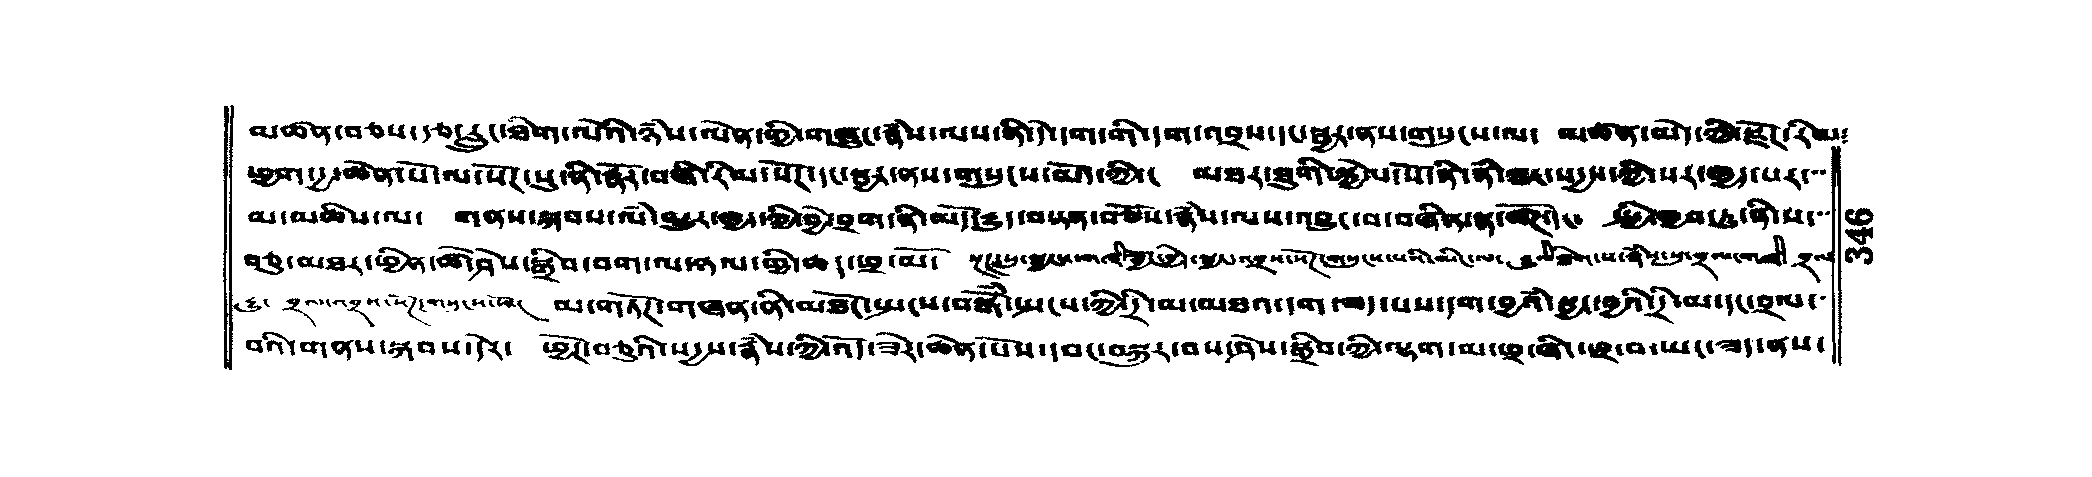མཚན་བཅས་རྩ་རླུང་ཐིག་ལེའི་ཉམས་ལེན་གྱི་གཞུང་རྣམས་ལས་ནི་དེ་དག་གི་དག་འབྲས་དང་སྦྱར་ནས་གསུངས་ལ། མཚན་མེད་ཀྱི་རྫོགས་རིམ་
ཕྱག་རྒྱ་ཆེན་པོ་ལ་སོགས་སུ་ནི་རྣལ་འབྱོར་བཞི་རིམ་སོགས་དང་སྦྱར་ནས་གསུངས་མོད་ཀྱི། མཐར་ཐུག་གི་སྐྱེལ་སོ་ནི་ནམ་ཡང་སངས་རྒྱས་ཀྱི་སར་ཁྱད་པར་
མ་མཆིས་ལ། གནས་སྐབས་ལམ་མྱུར་ཁྱད་ཀྱི་བྱེ་བྲག་ནི་མདོ་རྒྱུད་བསྟན་བཅོས་རྣམས་ལས་འབྱུང་བ་བཞིན་སྣ་ཚོགས་དང་། སྤྱི་ཁྱབ་ཏུ་ནི་ས་
བཅུ་མཐར་ཕྱིན་ཚེ་ཤེས་སྒྲིབ་བག་ལ་ཉལ་གྱི་ཆ་ཕྲ་མོ་ སྔར་སུ་སྦྱང་གཞི་སྦྱང་བྱེད་སྦྱང་འབྲས་སོགས་གསུངས་པའི་མིང་ལ་ ཤུའི་ཐེག་པ་རྣམས་སུ་བྲལ་གཞི་ བྲལ་
རྒྱུ་ བྲལ་འབྲས་སོགས་གསུངས་ མ་གཏོགས་གཞན་ནི་མཐོང་སྤངས་བསྒོམ་སྤངས་ཀྱི་དྲི་མ་མཐའ་དག་ཟད་པས་དག་བྱའམ་སྦྱང་བྱའི་དྲི་མ་དང་བྲལ་
བའི་གནས་སྐབས་དེར། ཕྱོགས་བཅུའི་སངས་རྒྱས་རྣམས་ཀྱི་འོད་ཟེར་ཆེན་པོས་དབང་བསྐུར་བས་ཤེས་སྒྲིབ་ཀྱི་ལྷག་མ་ཕྲ་ཞིང་ཕྲ་བ་ཡང་ཟད་ནས་